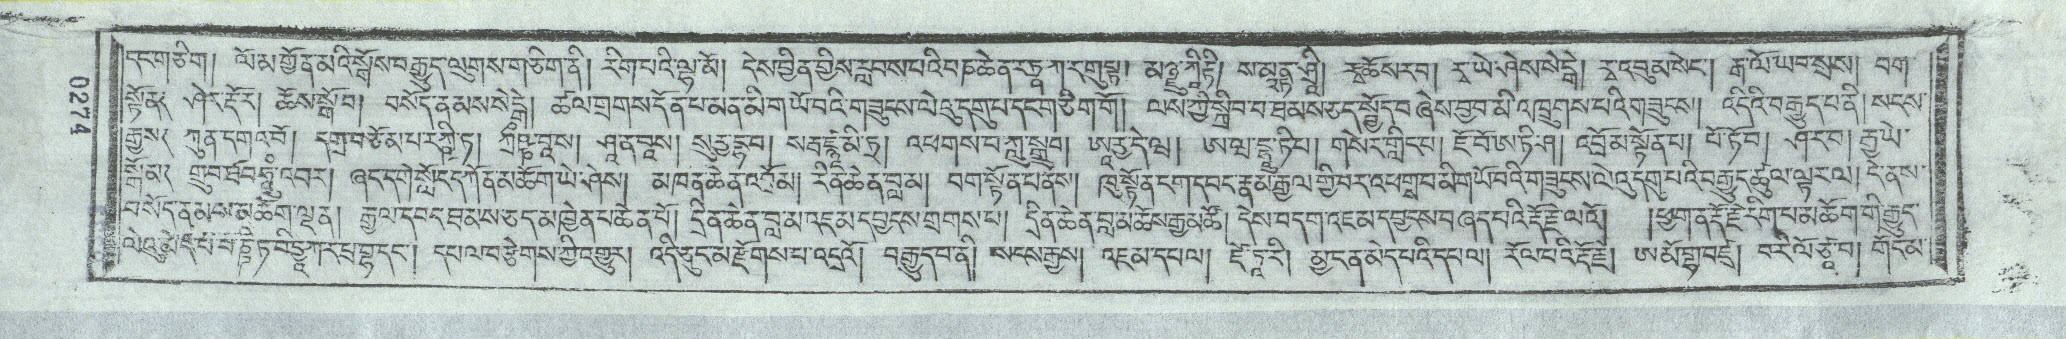དང་གཅིག། ལོ་མགྱོན་མའི་སྒོས་བརྒྱུད་ལུགས་གཅིག་ནི། རིག་པའི་ལྷ་མོ། དེས་བྱིན་གྱིས་རླབས་པའི་པཎ་ཆེན་རཏྣ་ཀར་གུ་པྟ། མཉྫུ་ཀཱིརྟི། ས་མཱནྟ་ཤྲཱི། རྭ་ཆོས་རབ། རྭ་ཡེ་ཤེས་སེངྒེ། རྭ་འབུམ་སེང་། རྒ་ལོ་ཡབ་སྲས། བག་
སྟོན༑ ཤེར་རྡོར། ཆོས་སྒོབ། བསོད་ནམས་སེངྒེ། ཚལ་གྲགས་དོན་པ་མན་མི་གཡོ་བའི་གཟུངས་ལེའུ་དགུ་པ་དང་གཅིག་གོ། ལས་ཀྱི་སྒྲིབ་པ་ཐམས་ཅད་སྤྱོད་བཞེས་བྱ་བ་མི་འཁྲུགས་པའི་གཟུངས། འདིའི་བརྒྱུད་པ་ནི། སངས་
རྒྱས༑ ཀུན་དགའ་བོ། དགྲ་བཅོམ་པ་རཀྵི་ཏ། ཀྵ་བཱ་ས། ཤཱ་ན་འབས། སུརྱ་དྷ་བ། སརྦ་ཛྙཱ་མི་ཏྲ། འཕགས་པ་ཀླུ་སྒྲུབ། ཨཱ་རྱ་དེ་ཝ། ཨ་ཝ་དྷཱུ་ཏི་པ། གསེར་གླིང་བ། ཇོ་བོ་ཨ་ཏི་ཤ། འབྲོ་མ་སྟོན་པ། པོ་ཏོབ། ཤ་རབ། རྒྱ་ཡེ་
སྒོམ༑ གྲུབ་ཐོབ་ཧཱུཾ་དབར། ཞང་དགེ་སློང་དཀོན་མཆོག་ཡེ་ཤེས། མཁན་ཆེན་འབྲོམ་རིན་ཆེན་བླ་མ། བག་སྟོན་པ་ནས། ཁུ་སྟོན་ངག་དབང་རྣམ་རྒྱལ་གྱི་པར་འཕགས་པ་མི་གཡོ་བའི་གཟུངས་ལེའུ་དགུ་པའི་བརྒྱུད་ཚུལ་ལྟར་ལ། དེ་ནས་
བསོད་ནམས་མཆོག་ལྡན། རྒྱལ་དབང་ཐམས་ཅད་མཁྱེན་པ་ཆེན་པོ། དྲིན་ཆེན་བླ་མ་འཇམ་དབྱངས་གྲགས་པ། དྲིན་ཆེན་བླ་མ་ཆོས་རྒྱ་མཚོ། དེས་བདག་འཇམ་དབྱངས་བཞད་པའི་རྡོ་རྗེ་ལའོ། །ཕྱག་ན་རྡོ་རྗེ་རིག་པ་མཆོག་གི་རྒྱུད་
ལེའུ་མེད་པ་པཎྜི་ཏ་བི་བྱ་ཀར་པྲ་བྷ་དང་། དཔལ་བརྩེགས་ཀྱི་འགྱུར། འདི་ཅུང་མ་རྫོགས་པ་འདྲའོ། བརྒྱུད་པ་ནི། སངས་རྒྱས། འཇམ་དཔལ་ཛེ་ཏཱ་རི། མྱ་ངན་མེད་པའི་དཔལ། རོལ་བའི་རྡོ་རྗེ། ཨ་མོ་གྷ་བྫྲ། བ་རི་ལོ་ཙཱ་བ། གོ་དོམ་